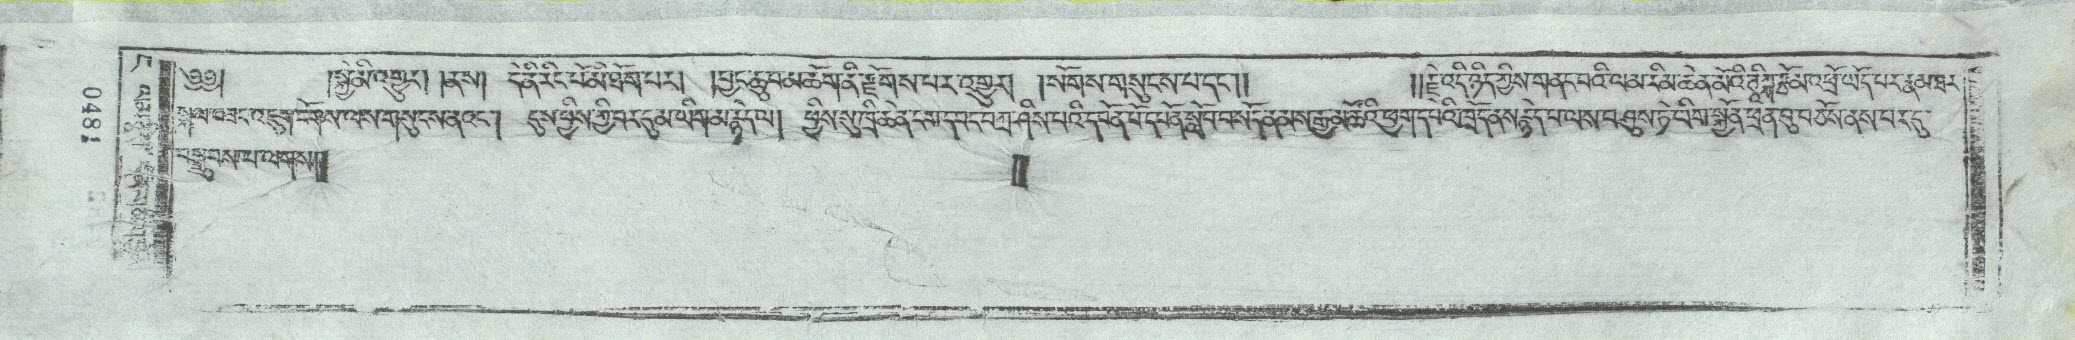༄༅། །སྐྱེ་མི་འགྱུར། །ནས། དེ་ནི་རིང་པོ་མི་ཐོག་པར། །བྱང་ཆུབ་མཆོག་ནི་རྫོགས་པར་འགྱུར། །སོགས་གསུངས་བ་དང།། །།རྗེ་འདི་ཉིད་ཀྱིས་གནང་བའི་ལམ་རིམ་ཆེན་མོའི་ཊཱིཀྐ་རྩོམ་འཕྲོ་ཡོད་པར་རྣམ་ཐར་
སྐལ་བཟང་འཐུག་བགོས་ལས་གསུངས་ནའང་། དུས་ཕྱིས་ཀྱི་བར་དུ་མ་ཡིག་མ་རྙེད་ལ། ཕྱིས་སུ་ཁྲི་ཆེན་ངག་དབང་བཀྲ་ཤིས་པའི་དབོན་པོ་དཔོན་སློབ་བསོད་ནམས་རྒྱ་མཚོའི་ཕྱག་དཔེའི་ཁྲོད་ནས་རྙེད་པ་ལས་བཤུས་ཏེ་ཡིག་སྐྱོན་ཕྲིན་གུ་བཙོས་ནས་པར་དུ་
བསྒྲུབས་པ་ལགས།།